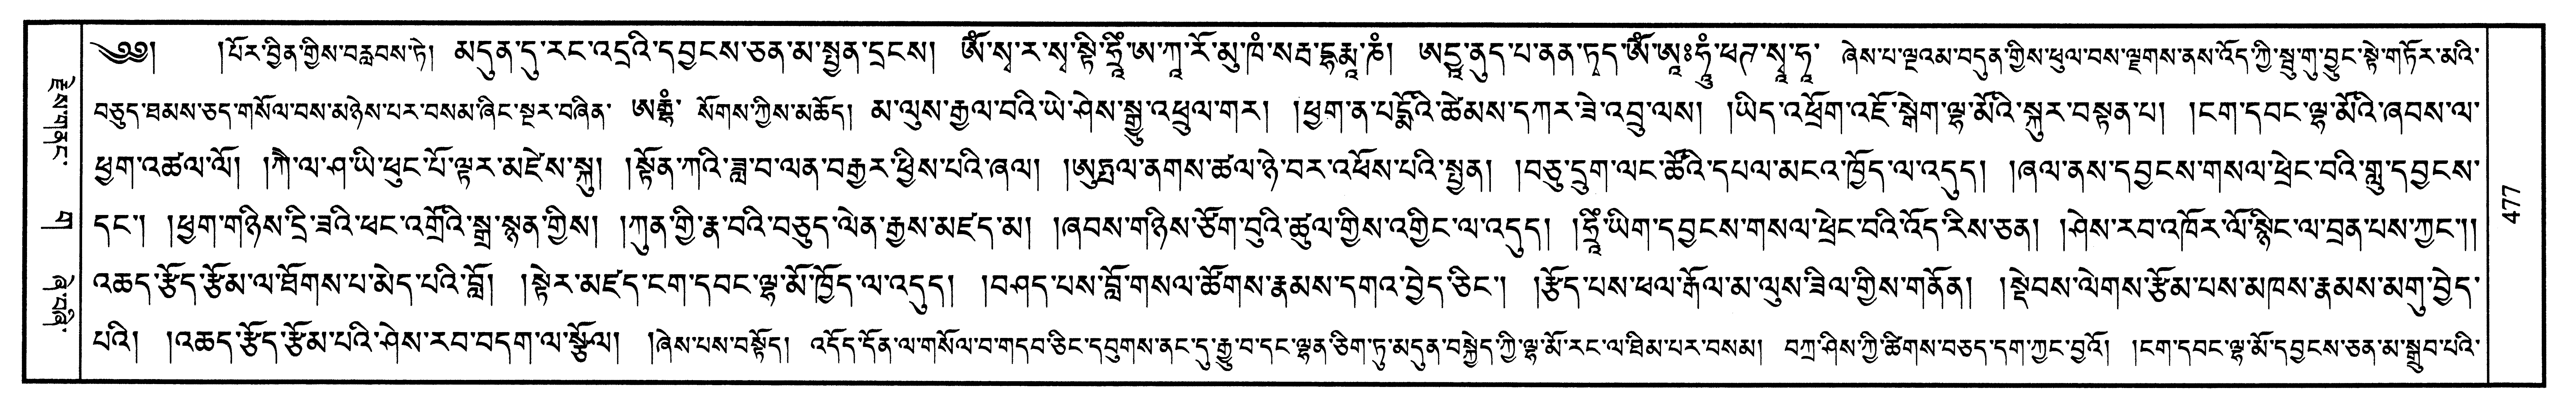༄༅། །པོར་བྱིན་གྱིས་བརླབས་ཏེ། མདུན་དུ་རང་འདྲའི་དབྱངས་ཅན་མ་སྤྱན་དྲངས། ཨོཾ་སྭ་ར་སྭ་སྟི་ཧྲཱིཾ་ཨ་ཀཱ་རོ་མུ་ཁཾ་སརྦ་དྷརྨཱ་ཎཾ། ཨདྱཱ་ནུད་པ་ནན་ཏྭད་ཨོཾ་ཨཱཿ ཧཱུཾ་ཕཊ་སྭཱ་ཧཱ་ཞེས་པ་ལྔའམ་བདུན་གྱིས་ཕུལ་བས་ལྗགས་ནས་འོད་ཀྱི་སྦུ་གུ་བྱུང་སྟེ་གཏོར་མའི་
བཅུད་ཐམས་ཅད་གསོལ་བས་མཉེས་པར་བསམ་ཞིང་སྔར་བཞིང་ཨརྒྷཾ་སོགས་ཀྱིས་མཆོད། མ་ལུས་རྒྱལ་བའི་ཡེ་ཤེས་སྒྱུ་འཕྲུལ་གར། །ཕྱག་ན་པདམོའི་ཚེམས་དཀར་ཟེ་འབྲུ་ལས། །ཡིད་འཕྲོག་འཇོ་སྒེག་ལྷ་མོའི་སྐུར་བསྟན་པ། །ངག་དབང་ལྷ་མོའི་ཞབས་ལ་
ཕྱག་འཚལ་ལོ། །ཀཻ་ལ་ཤ་ཡི་ཕུང་པོ་ལྟར་མཛེས་སྐུ། །སྟོན་ཀའི་ཟླ་བ་ལན་བརྒྱར་ཕྱིས་པའི་ཞལ། །ཨུཏྤལ་ནགས་ཚལ་ཉེ་བར་འཕོས་པའི་སྤྱན། །བཅུ་དྲུག་ལང་ཚོའི་དཔལ་མངའ་ཁྱོད་ལ་འདུད། །ཞལ་ནས་དབྱངས་གསལ་ཕྲེང་བའི་གླུ་དབྱངས་
དང་། །ཕྱག་གཉིས་དྲི་ཟའི་ཕང་འགྲོའི་སྒྲ་སྙན་གྱིས། །ཀུན་གྱི་རྣ་བའི་བཅུད་ལེན་རྒྱས་མཛད་མ། །ཞབས་གཉིས་ཙོག་བུའི་ཚུལ་གྱིས་འགྱིང་ལ་འདུད། །ཧྲཱིཾ་ཡིག་དབྱངས་གསལ་ཕྲེང་བའི་འོད་རིས་ཅན། །ཤེས་རབ་འཁོར་ལོ་སྙིང་ལ་བྲན་པས་ཀྱང།།
འཆད་རྩོད་རྩོམ་ལ་ཐོགས་པ་མེད་པའི་བློ། །སྟེར་མཛད་ངག་དབང་ལྷ་མོ་ཁྱོད་ལ་འདུད། །བཤད་པས་བློ་གསལ་ཚོགས་རྣམས་དགའ་བྱེད་ཅིང་། །རྩོད་པས་ཕལ་རྒོལ་མ་ལུས་ཟིལ་གྱིས་གནོན། །སྡེབས་ལེགས་རྩོམ་པས་མཁས་རྣམས་མགུ་བྱེད་
པའི། །འཆད་རྩོད་རྩོམ་པའི་ཤེས་རབ་བདག་ལ་སྩོལ། །ཞེས་པས་བསྟོད། འདོད་དོན་ལ་གསོལ་བ་གདབ་ཅིང་དབུགས་ནང་དུ་རྒྱུ་བ་དང་ལྷན་ཅིག་ཏུ་མདུན་བསྐྱེད་ཀྱི་ལྷ་མོ་རང་ལ་ཐིམ་པར་བསམ། བཀྲ་ཤིས་ཀྱི་ཚིགས་བཅད་དག་ཀྱང་བྱའོ། །ངག་དབང་ལྷ་མོ་དབྱངས་ཅན་མ་སྒྲུབ་པའི་